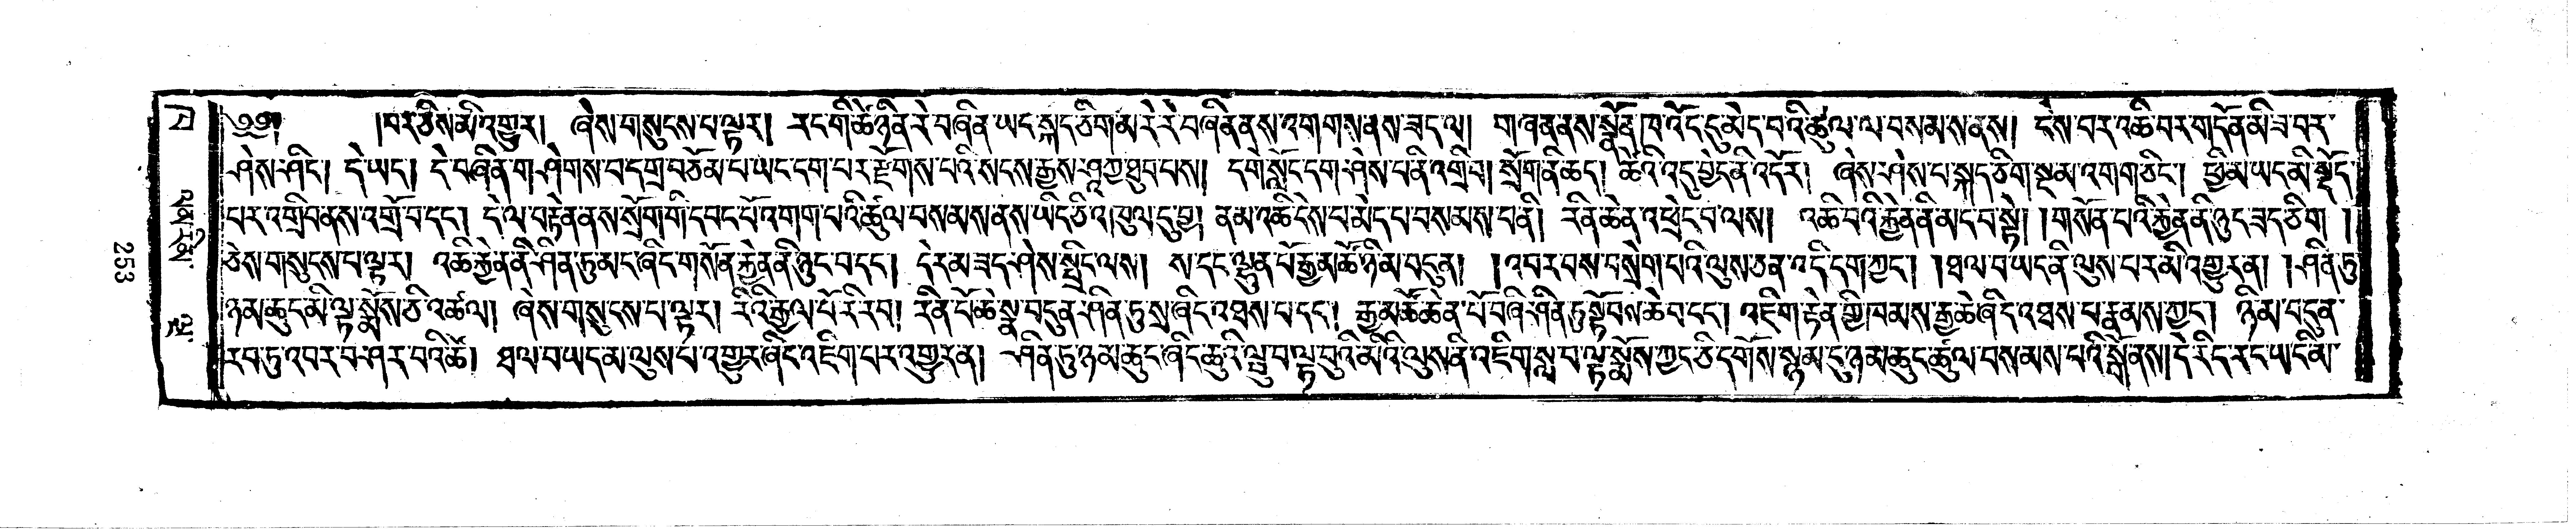༄༅། །བར་ཅིས་མི་འགྱུར། ཞེས་གསུངས་པ་ལྟར། རང་གི་ཚེ་ཉིན་རེ་བཞིན་ཡང་སྐད་ཅིག་མ་རེ་རེ་བཞིན་ནས་འགགས་ནས་ཟད་ལ། གཞན་ནས་སྣོན་ཁ་འོང་དུ་མེད་བའི་ཚུལ་ལ་བསམས་ནས། ངེས་བར་འཆི་བར་གདོན་མི་ཟ་བར་
ཤེས་ཤིང་། དེ་ཡང་། དེ་བཞིན་གཤེགས་པ་དགྲ་བཅོམ་པ་ཡང་དག་པར་རྫོགས་པའི་སངས་རྒྱས་ཤཱཀྱ་ཐུབ་པས། དགེ་སློང་དག་ཤེས་པ་ནི་འགྲིབ། སྲོག་ནི་ཆད། ཚེའི་འདུ་བྱེད་ནི་འདོར། ཞེས་ཤེས་པ་སྐད་ཅིག་སྔ་མ་འགག་ཅིང་། ཕྱི་མ་ཡང་མི་སྡོད་
པར་འགྲིབ་ནས་འགྲོ་བ་དང་། དེ་ལ་བརྟེན་ནས་སྲོག་གི་དབང་པོ་འགག་པའི་ཚུལ་བསམས་ནས་ཡིད་ཅི་འཁུལ་དུ་བྱ། ནམ་འཆི་ངེས་པ་མེད་པ་བསམས་པ་ནི། རིན་ཆེན་འཕྲེང་བ་ལས། འཆི་བའི་རྐྱེན་ནི་མང་བ་སྟེ། །གསོན་པའི་རྐྱེན་ནི་ཉུང་ཟད་ཅིག །
ཅེས་གསུངས་པ་ལྟར། འཆི་རྐྱེན་ནི་ཤིན་ཏུ་མང་ཞིང་གསོན་རྐྱེན་ནི་ཉུང་བ་དང་། དེར་མ་ཟད་ཤེས་སྤྲིང་ལས། ས་དང་ལྷུན་པོ་རྒྱ་མཚོ་ཉི་མ་བདུན། །འབར་བས་བསྲེག་པའི་ལུས་ཅན་འདི་དག་ཀྱང་། །ཐལ་བ་ཡང་ནི་ལུས་པར་མི་འགྱུར་ན། །ཤིན་ཏུ་
ཉམ་ཆུང་མི་ལྟ་སྨོས་ཅི་འཚལ། ཞེས་གསུངས་པ་ལྟར། རིའི་རྒྱལ་པོ་རི་རབ། རིན་པོ་ཆེ་སྣ་བདུན་ཤིན་ཏུ་སྲ་ཞིང་འཐས་པ་དང་། རྒྱ་མཚོ་ཆེན་པོ་བཞི་ཤིན་ཏུ་སྟོབས་ཆེ་བ་དང་། འཇིག་རྟེན་གྱི་ཁམས་རྒྱ་ཆེ་ཞིང་འཐས་པ་རྣམས་ཀྱང་། ཉི་མ་བདུན་
རབ་ཏུ་འབར་བ་ཤར་བའི་ཚེ། ཐལ་བ་ཡད་མ་ལུས་པ་འགྱུར་ཞིང་འཇིག་པར་འགྱུར་ན། ཤིན་ཏུ་ཉམ་ཆུང་ཞིང་ཆུའི་ཝུ་བ་ལྟ་བུའི་མིའི་ལུས་ནི་འཇིག་སླ་བ་ལྟ་སྨོས་ཀྱང་ཅི་དགོས་སྙམ་དུ་ཉམ་ཆུང་ཚུལ་བསམས་པའི་སྒོ་ནས། དེ་རིང་རང་ཡང་མི་